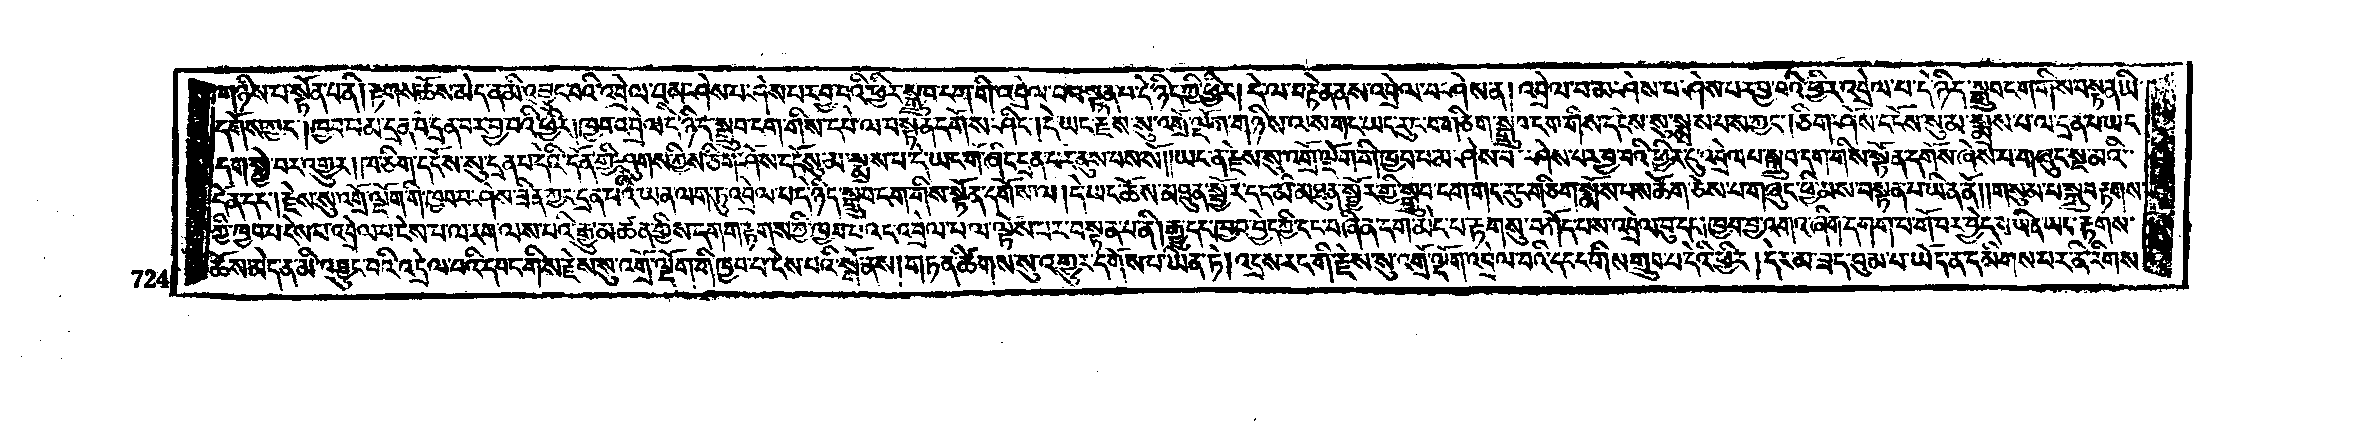གཉིས་པ་སྟོན་པ་ནི། རྟགས་ཆོས་མེད་ན་མི་འབྱུང་བའི་འབྲེལ་བ་མ་ཤེས་པ་ཤེས་པར་བྱ་བའི་ཕྱིར་སྒྲུབ་ངག་གི་འབྲེལ་བ་བསྟན་པ་དེ་ཉིད་ཀྱི་ཕྱིར། དེ་ལ་བརྟེན་ནས་འབྲེལ་བ་ཤེས་ན། འབྲེལ་བ་མ་ཤེས་པ་ཤེས་པར་བྱ་བའི་ཕྱིར་འབྲེལ་བ་དེ་ཉིད་སྒྲུབ་ངག་གིས་བསྟན་ཡི་
དགོས་ཀྱང་། ཁྱབ་པ་མ་དྲན་པ་དྲན་པར་བྱ་བའི་ཕྱིར། ཁྱབ་འབྲེལ་དེ་ཉིད་སྒྲུབ་ངག་གིས་དཔེ་ལ་བསྟན་དགོས་ཤིང་། དེ་ཡང་རྗེས་སུ་འགྲོ་ལྡོག་གཉིས་ལས་གང་ཡང་རུང་བ་གཅིག་སྒྲུབ་ངག་གིས་དངོས་སུ་སྨྲས་པས་ཀྱང་། ཅིག་ཤོས་དངོས་སུ་མ་སྨྲས་པ་ལ་དྲན་པ་ཡང་
དག་སྐྱེ་བར་འགྱུར། ཁ་ཅིག་དངོས་སུ་དྲན་པ་དེའི་དོན་གྱི་ཤུགས་ཀྱིས་ཅིག་ཤོས་དངོས་སུ་མ་སྨྲས་པ་དེ་ཡང་གོ་ཞིང་དྲན་པར་ནུས་པས་སོ། །ཡང་ན་རྗེས་སུ་འགྲོ་ལྡོག་གི་ཁྱབ་པ་མ་ཤེས་པ་ཤེས་པར་བྱ་བའི་ཕྱིར་དུ་འབྲེལ་བ་སྒྲུབ་ངག་གིས་སྟོན་དགོས་ཞེས་པ་གཞུང་སྔ་མའི་
དོན་དང་། རྗེས་སུ་འགྲོ་ལྡོག་གི་ཁྱབ་པ་ཤེས་ཟིན་ཀྱང་དྲན་པའི་ཡན་ལག་ཏུ་འབྲེལ་བ་དེ་ཉིད་སྒྲུབ་ངག་གིས་སྟོན་དགོས་ལ། དེ་ཡང་ཆོས་མཐུན་སྦྱོར་དང་མི་མཐུན་སྦྱོར་གྱི་སྒྲུབ་ངག་གང་རུང་གཅིག་སྨོས་པས་ཆོག་ཅེས་པ་གཞུང་ཕྱི་མས་བསྟན་པ་ཡིན་ནོ། །གསུམ་པ་སྒྲུབ་རྟགས་
ཀྱི་ཁྱབ་པ་ངེས་པ་འབྲེལ་བ་ངེས་པ་ལ་རག་ལས་པའི་རྒྱུ་མཚན་གྱིས་དགག་རྟགས་ཀྱི་ཁྱབ་པའང་འབྲེལ་བ་ལ་ལྟོས་པར་བསྟན་པ་ནི། རྒྱུ་དང་ཁྱབ་བྱེད་ཀྱི་རང་བཞིན་དག་མེད་པ་རྟགས་སུ་བཀོད་པས་འབྲེལ་བུ་དང་། ཁྱབ་བྱ་འགའ་ཞིག་དགག་པ་གོ་བར་བྱེད་པ་ཡིན་ཡང་རྟགས་
ཆོས་མེད་ན་མི་འབྱུང་བའི་འབྲེལ་བའི་དབང་གིས་རྗེས་སུ་འགྲོ་ལྡོག་གི་ཁྱབ་པ་ངེས་པའི་སྒོ་ནས། གཏན་ཚིགས་སུ་འགྱུར་དགོས་པ་ཡིན་ཏེ། འདྲས་རང་གི་རྗེས་སུ་འགྲོ་ལྡོག་འབྲེལ་བའི་དབང་གིས་གྲུབ་པ་དེའི་ཕྱིར། དེར་མ་ཟད་བུམ་པ་ཡོད་ན་དམིགས་པར་ནི་རིགས་